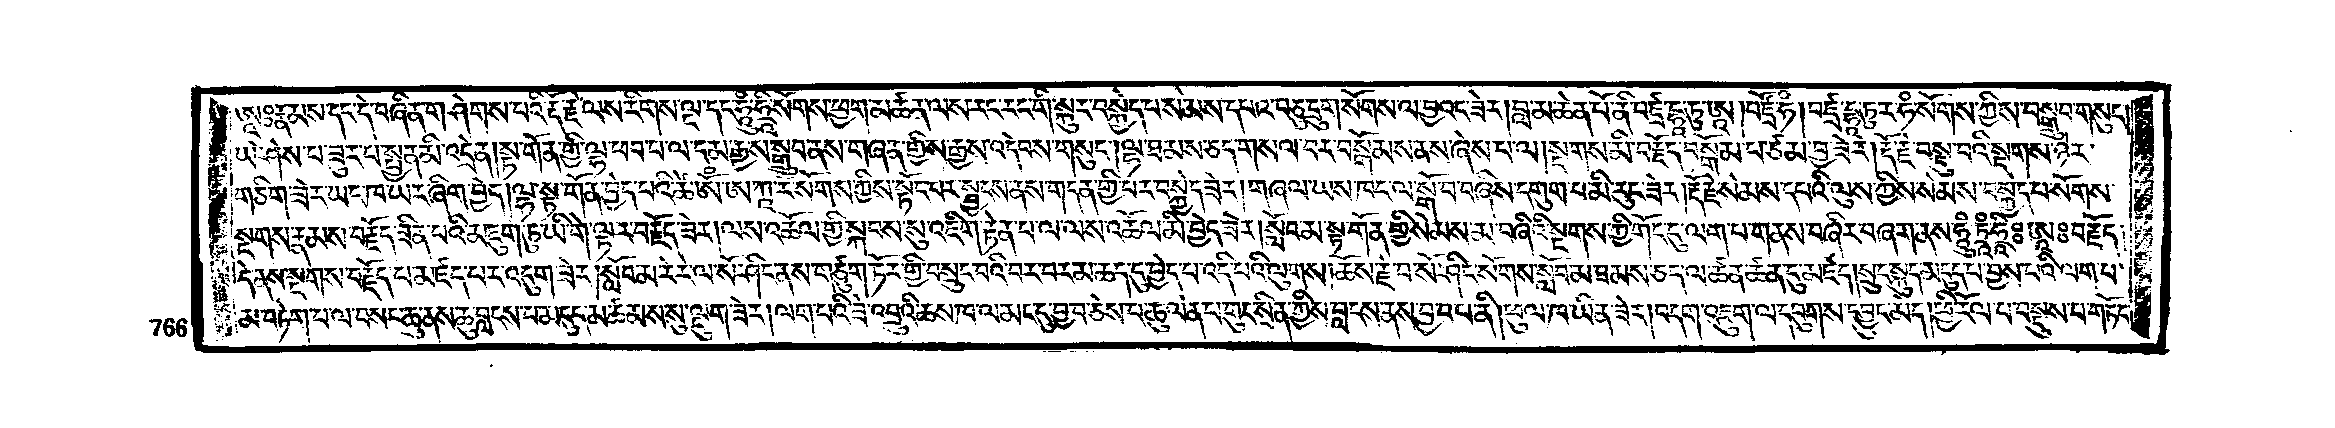ཨཱཿ རྣམས་དང་དེ་བཞིན་གཤེགས་པའི་རྡོ་རྗེ་ལས་རིགས་ལྔ་དང་ཧཱུཾ་ཧྲཱི་སོགས་ཕྱག་མཚན་ལས་རང་རང་གི་སྐུར་བསྐྱེད་པ་སེམས་དཔའ་བཅུ་དྲུག་སོགས་ལ་བྱའང་ཟེར། བླ་མ་ཆེན་པོ་ནི་བཛྲ་དྷཱ་ཏུ་ཨཱ། བཛྲོ་ཧཾ། བཛྲ་དྷཱ་ཏུ་ར་ཧཾ་སོགས་ཀྱིས་བསྒྲུབ་གསུང་
ཡེ་ཤེས་པ་ཟུར་པ་སྤྱན་མི་འདྲེན། སྟ་གོན་གྱི་ལྷ་ཕབ་པ་ལ་དམ་རྒྱས་སྒྲུབ་ནས་གཞན་གྱིས་རྒྱས་འདེབས་གསུང་། ལྷ་ཐམས་ཅད་གསལ་བར་བསྒོམས་ནས་ཞེས་པ་ལ། སྔགས་མི་བརྗོད་བསྒོམ་པ་ཙམ་བྱ་ཟེར། རྡོ་རྗེ་བསྡུ་བའི་སྔགས་ཉེར་
གཅིག་ཟེར་ཡང་ཁ་ཡང་ཞིག་བྱེད། ལྷ་སྟ་གོན་བྱེད་པའི་ཚེ་ཨོཾ་ཨ་ཀཱ་རོ་སོགས་ཀྱིས་སྟོང་པར་སྦྱངས་ནས་གདན་གྱི་པར་བསྐྱེད་ཟེར། གཞལ་ཡས་ཁང་ལ་སྒོ་བ་བཞིས་དགུག་པ་མི་རུང་ཟེར། རྡོ་རྗེ་སེམས་དཔའི་ལུས་ཀྱིས་སེམས་བསྐྱེད་པ་སོགས་
སྔགས་རྣམས་བརྗོད་ཟིན་པའི་མཇུག་ཏུ་ཡི་གེ་ལྟར་བརྗོད་ཟེར། ལས་འཆོལ་གྱི་སྐབས་སུ་འཇིག་རྟེན་པ་ལ་ལས་འཆོལ་མི་བྱེད་ཟེར། སློབ་མ་སྟ་གོན་གྱི་སེམས་མ་བཞིའི་སྔགས་ཀྱི་གོང་དུ་ལག་པ་གནས་བཞིར་བཞག་ནས་ཧཱུཾ་ཏྲཱཾ་ཧྲཱིཿ ཨཱཿ བརྗོད།
དེ་ནས་སྔགས་བརྗོད་པ་མཛད་པར་འདུག་ཟེར། སློབ་མ་རེ་རེ་ལ་སོ་ཤིང་ནས་གཙུག་ཏོར་གྱི་བསྲུང་བའི་བར་བར་མ་ཆད་དུ་བྱེད་པ་འདི་པའི་ལུགས། ཆོས་རྗེ་བ་སོ་ཤིང་སོགས་སློབ་མ་ཐམས་ཅད་ལ་ཚན་ཚན་དུ་མཛད། སྲུང་སྐུད་མདུད་པ་བྱས་པའི་ལག་པ་
མ་བཏེག་པ་ལ་བསང་ཆུ་ནས་ཆུ་བླངས་པ་མདུད་མ་ཚམས་སུ་ལྡུག་ཟེར། ལག་པའི་ཟེ་འབྲུའི་ཆས་ཁ་ལ་མང་དུ་བྱ་བ་ཅེས་པ་ཆུ་ལེན་པ་གུང་སྲིན་གྱིས་བླངས་ནས་བྱ་བ་པ་ནི། ཕུལ་ཁ་ཡིན་ཟེར། བདག་འཇུག་ལ་དབུགས་དབྱུང་མེད། ཕྱི་རོལ་པ་བསྡུས་པ་གཏོང་